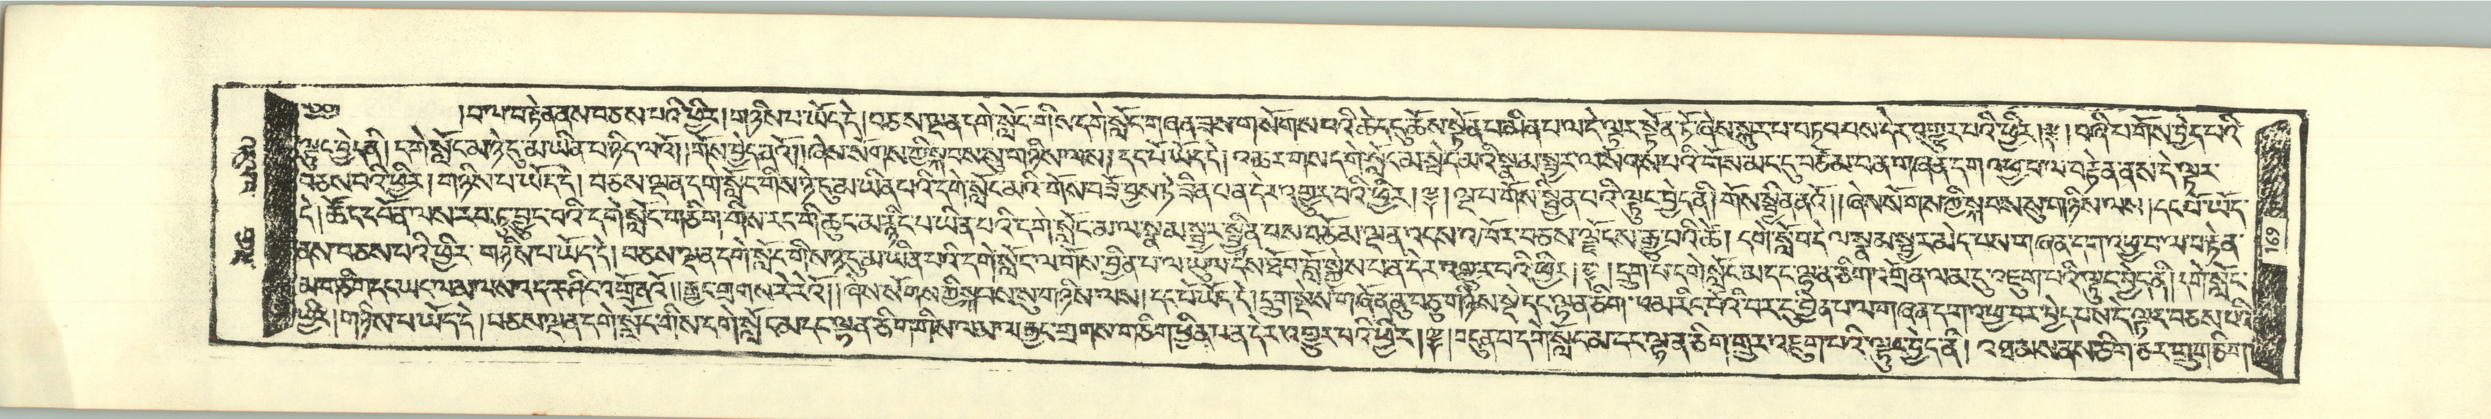༄༅། །བ་ལ་བརྟེན་ནས་བཅས་པའི་ཕྱིར། གཉིས་པ་ཡོད་དེ། བཅས་ལྡན་དགེ་སློང་གིས་དགེ་སློང་གཞན་ཟས་གསོགས་བའི་ཆེད་དུ་ཆོས་སྟོན་པ་མིན་པ་ལ་དེ་ལྟར་སྟོན་ཏོ་ཞེས་སྐུར་པ་བཏབས་པས་དེར་འགྱུར་པའི་ཕྱིར། ༈ །བཞི་པ་གོས་བྱེད་པའི་
ལྟུང་བྱེད་ནི། དགེ་སློང་མ་ཉེ་དུ་མ་ཡིན་པ་ཉིད་ལའོ། །གོས་བྱེད་ནའོ། །ཞེས་སོགས་ཀྱི་སྐབས་སུ་གཉིས་ལས། དང་པོ་ཡོད་དེ། འཆར་གས་དགེ་སློང་མ་སྦེད་མའི་སྣམ་སྦྱར་ལ་སོགས་པའི་གོས་མང་དུ་བཅོམ་བ་ན་གཞན་དག་འཕྱ་བ་ལ་བརྟེན་ནས་དེ་ལྟར་
བཅས་པའི་ཕྱིར། གཉིས་པ་ཡོད་དེ། བཅས་ལྡན་དགེ་སློང་གིས་ཉེ་དུ་མ་ཡིན་པའི་དགེ་སློང་མའི་གོས་བཟོ་བྱས་ཏེ་ཟིན་པ་ན་དེར་འགྱུར་བའི་ཕྱིར། ༈ །ལྔ་པ་གོས་སྦྱིན་པའི་ལྟུང་བྱེད་ནི། གོས་སྦྱིན་ནའོ། །ཞེས་སོགས་ཀྱི་སྐབས་སུ་གཉིས་ལས། དང་པོ་ཡོད་
དེ། ཚོང་དཔོན་ལས་རབ་ཏུ་བྱུང་བའི་དགེ་སློང་གཅིག་གིས་རང་གི་ཆུང་མ་རྙིང་པ་ཡིན་པའི་དགེ་སློང་མ་ལ་སྣམ་སྦྱར་སྦྱིན་པས་བཅོམ་ལྡན་འདས་འཁོར་བཅས་ལྗོངས་རྒྱུ་བའི་ཚེ། དགེ་སློབ་དེ་ལ་སྣམ་སྦྱར་མེད་པས་གཞན་དག་འཕྱ་བ་ལ་བརྟེན་
ནས་བཅས་པའི་ཕྱིར་གཉིས་པ་ཡོད་དེ། བཅས་ལྡན་དགེ་སློང་གིས་ཉ་དུ་མ་ཡིན་པའི་དགེ་སློང་ལ་གོས་བྱིན་པ་ལ་ཡུལ་དེས་ཐོབ་བློ་སྐྱེས་པ་ན་དེར་འགྱུར་བའི་ཕྱིར། ༈ །དྲུག་པ་དགེ་སློང་མ་དང་ལྷན་ཅིག་འགྲོན་ལམ་དུ་འཇུག་པའི་ལྟུང་བྱེད་ནི། དགེ་སློང་
མ་གཅིག་དང་ཡང་ལམ་ལས་འདའ་ཤིང་འགྲོ་ནའོ། །རྒྱང་གྲགས་རེ་རེའོ། །ཞེས་སོགས་ཀྱི་སྐབས་སུ་གཉིས་ལས། དང་པོ་ཡོད་དེ། དྲུག་སྡེས་གཞོན་ནུ་བཅུ་གཉིས་སྡེ་དང་ལྷན་ཅིག་ཕམ་རིང་པོའི་བར་དུ་བྱིན་པ་ལ་གཞན་དག་འཕྱ་བར་བྱེད་པས་དེ་ལྟར་བཅས་པའི་
ཕྱིར། གཉིས་པ་ཡོད་དེ། བཅས་ལྡན་དགེ་སློང་གིས་དགེ་སློང་མ་དང་ལྷན་ཅིག་གིས་ལམ་ལ་རྒྱང་གྲགས་གཅིག་ཕྱིན་པ་ན་དེར་འགྱུར་བའི་ཕྱིར། ༈ །བདུན་པ་དགེ་སློང་མ་དང་ལྷན་ཅིག་གྲུར་འཇུག་པའི་ལྟུང་བྱེད་ནི། འཐམས་ནས་ཅིག་ཅར་གྲུ་གཅིག་